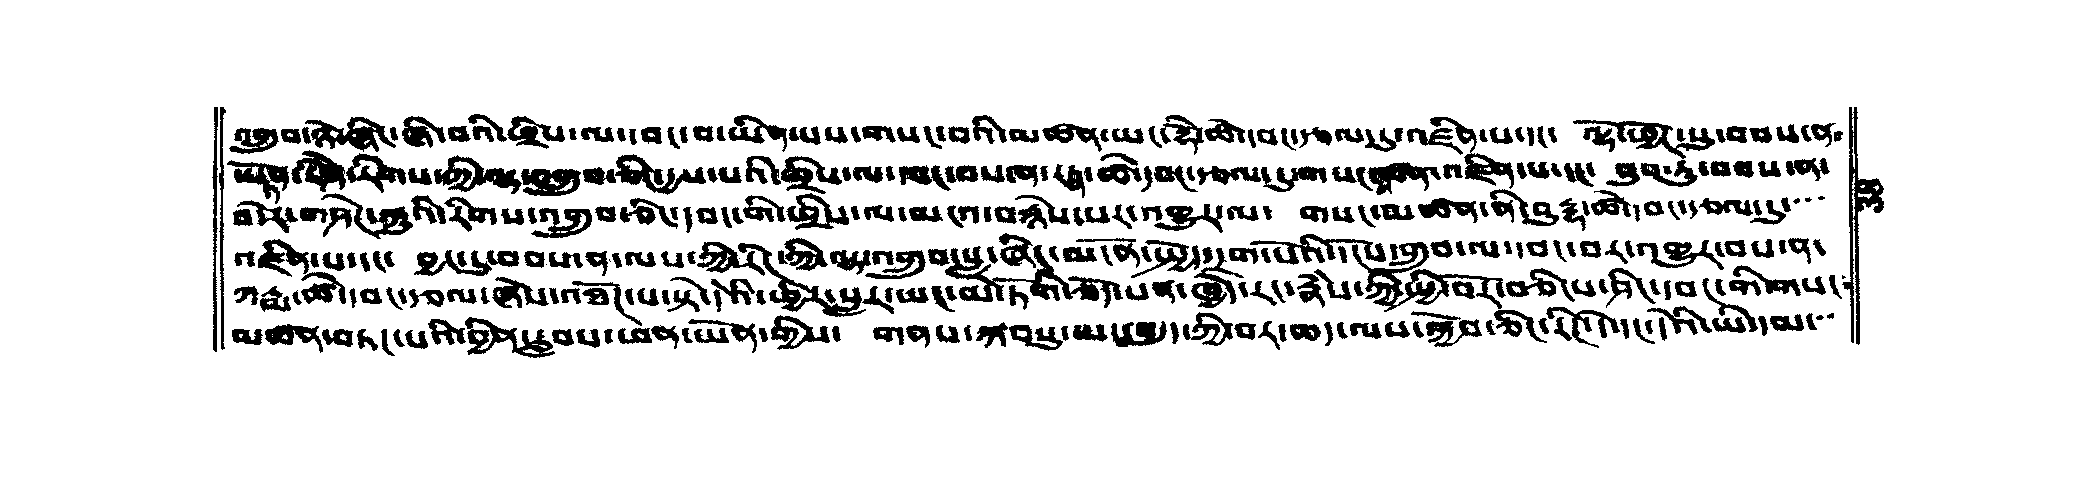འགྲུབ་ཉེ་ཞིང་ཞི་བའི་ཕྲིན་ལས་ལ་དབང་བ་ཡིན་པས་གསང་བའི་མཚན་ཡང་རྡོ་རྗེ་ཚེ་དབང་རྩལ་དུ་འཛིན་པ་དང་། ལྷོ་ཕྱོགས་སུ་བབས་ན་
ཡོན་ཏན་རིན་ཆེན་རིགས་ཀྱི་ལྷ་འགྲུབ་ཅིང་རྒྱས་པའི་རྒྱས་པའི་ཕྲིན་ལས་ལ་དབང་བས་ན་རཏྣ་ཚེ་དབང་རྩལ་དུ་གསང་བཙན་འཛིན་པ་དང་། ནུབ་ཏུ་བབས་ན་
བདེ་གཤེགས་སྐུའི་རིགས་འགྲུབ་ཅིང་དབང་གིས་ཕྲིན་ལས་ལ་མངའ་བརྙེས་པར་འགྱུར་ལ། གསང་མཚན་ནི་བུདྡྷ་ཚེ་དབང་རྩལ་དུ་
འཛིན་པ་དང་། བྱང་དུ་བབས་ན་ལས་ཀྱི་རིགས་ཀྱི་ལྷ་འགྲུབ་སླ་ཞིང་མངོན་སྤྱོད་དྲག་པོའི་དངོས་གྲུབ་ལ་དབང་བར་འགྱུར་བས་ན་
ཀརྨ་ཚེ་དབང་རྩལ་ཞེས་འཐོགས་པ་སྟེ་དེའི་ཕྱིར་སླར་ཡང་མེ་ཏོག་གི་ཅོད་པན་ཁྱེད་རང་རྣམས་ཀྱི་སྤྱི་བོར་བཅིངས་ཤིང་དབང་གི་གསང་
མཚན་བཏང་པའི་བྱིན་རླབས་ཕན་ཡོན་གྱིས། གནས་སྐབས་སུ་ཡང་བདུད་ཀྱི་བར་ཆད་ལས་སྐྱོབ་ཅིང་རིགས་དེ་དང་དེའི་ཡི་དམ་